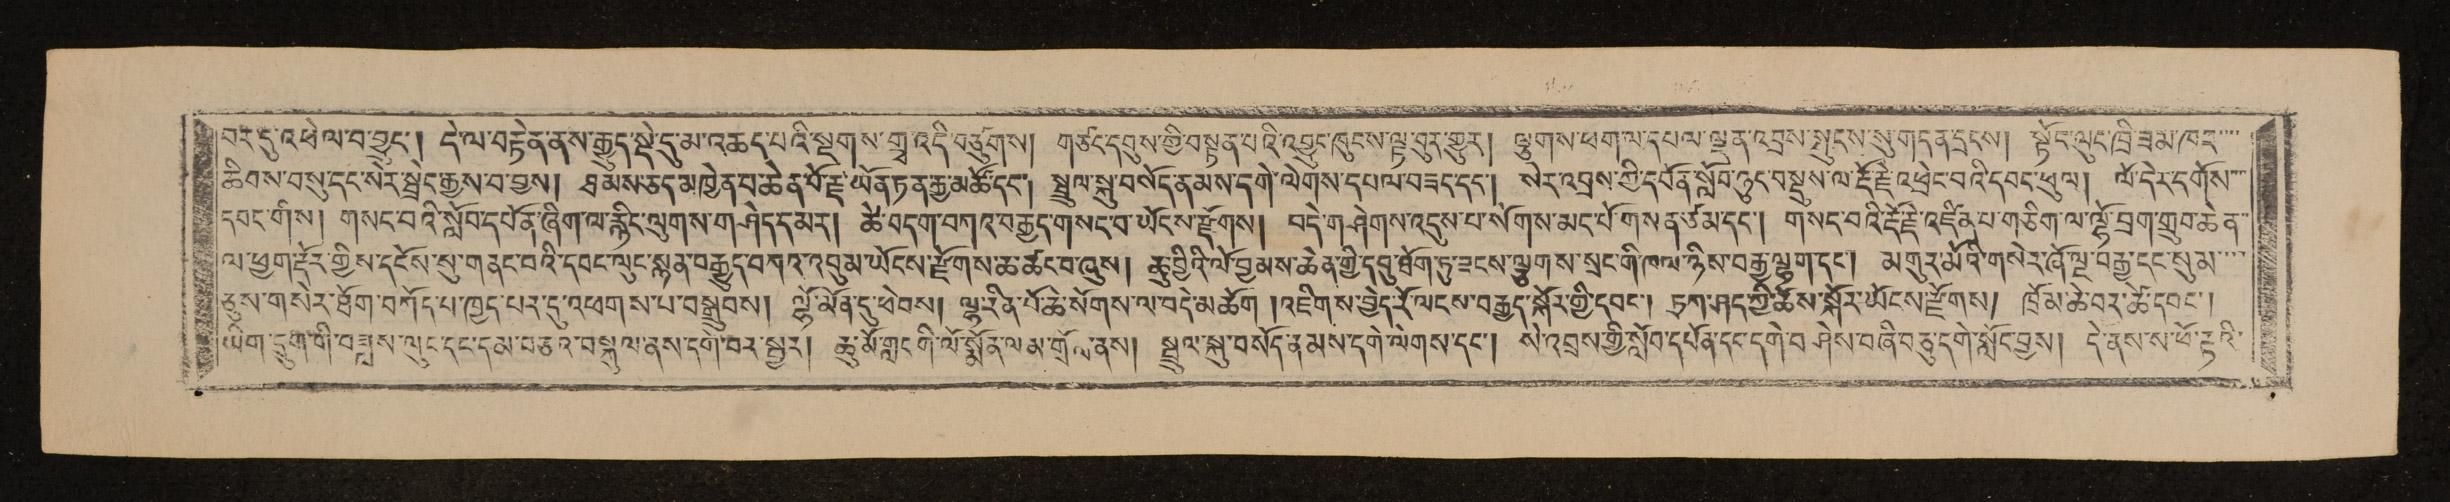བར་དུ་འཕེལ་བ་བྱུང་། དེ་ལ་བརྟེན་ནས་རྒྱུད་སྡེ་དུ་མ་འཆང་པའི་སྔགས་གྲྭ་འདི་བཙུགས། གཙང་དབུས་ཀྱི་བསྟན་པའི་འབྱུང་ཁུངས་ལྟ་བུར་གྱུར། ལྕགས་ཕག་ལ་དཔལ་ལྡན་འབྲས་སྤུངས་སུ་གདན་དྲངས། སྟོང་ལུང་ཁྲི་ཟམ་ཁར་
ཆིབས་བསུ་དང་སོར་སྦྲེང་རྒྱས་པ་བྱས། ཐམས་ཅད་མཁྱེན་པ་ཆེན་པོ་རྗེ་ཡོན་ཏན་རྒྱ་མཚོ་དང་། སྤྲུལ་སྐུ་བསོད་ནམས་དགེ་ལེགས་དཔལ་བཟང་དང་། སེར་འབྲས་ཀྱི་དཔོན་སློབ་ཉུང་བསྡུས་ལ་རྡོ་རྗེ་འཕྲེང་བའི་དབང་ཕུལ། ལོ་དེར་དགོས་
དབང་གིས། གསང་བའི་སློབ་དཔོན་ཞིག་ལ་རྙིང་ལུགས་བཤེད་དམར། ཚེ་བདག་བཀའ་བརྒྱད་གསང་བ་ཡོངས་རྫོགས། བདེ་གཤེགས་འདུས་པ་སོགས་མང་པོ་གསན་ཙམ་དང་། གསང་བའི་རྡོ་རྗེ་འཛིན་པ་གཅིག་ལ་ལྷོ་བྲག་གྲུབ་ཆེན་
ལ་ཕྱག་རྡོར་གྱིས་དངོས་སུ་གནང་བའི་དབང་ལུང་སྙན་བརྒྱུད་བཀའ་འབུམ་ཡོངས་རྫོགས་ཆ་ཚང་བ་ཞུས། ཆུ་བྱིའི་ལོ་བྱམས་ཆེན་གྱི་དབུ་ཐོག་ཏུ་ཟངས་ལྕགས་སྲང་གི་ཁལ་ཉིས་བརྒྱ་ལྷག་དང་། མགུར་མོའི་གསེར་ཞོ་ལྔ་བརྒྱ་དང་སུམ་
ཅུས་གསེར་ཐོག་བཀོད་པ་ཁྱད་པར་དུ་འཕགས་པ་བསྒྲུབས། ལྷོ་མོན་དུ་ཕེབས། ལྷ་རིན་པོ་ཆེ་སོགས་ལ་བདེ་མཆོག །འཇིགས་བྱེད་རོ་ལངས་བརྒྱད་སྐོར་གྱི་དབང་། ཏྲཀ་ཤད་ཀྱི་ཆོས་སྐོར་ཡོངས་རྫོགས། ཁྲོམ་ཆེ་བར་ཚེ་དཔང་།
ཡིག་དྲུག་གི་བཟླས་ལུང་དང་དམ་བཅའ་བསྐུལ་ནས་དགེ་བར་སྦྱར། ཆུ་མོ་གླང་གི་ལོ་སྨོན་ལམ་གྲོལ་ནས། སྤྲུལ་སྐུ་བསོད་ནམས་དགེ་ལེགས་དང་། སེ་འབྲས་ཀྱི་སློབ་དཔོན་དང་དགེ་བཤེས་བཞི་བཅུ་དགེ་སློང་བྱས། དེ་ནས་ས་ཕོ་རྟའི་